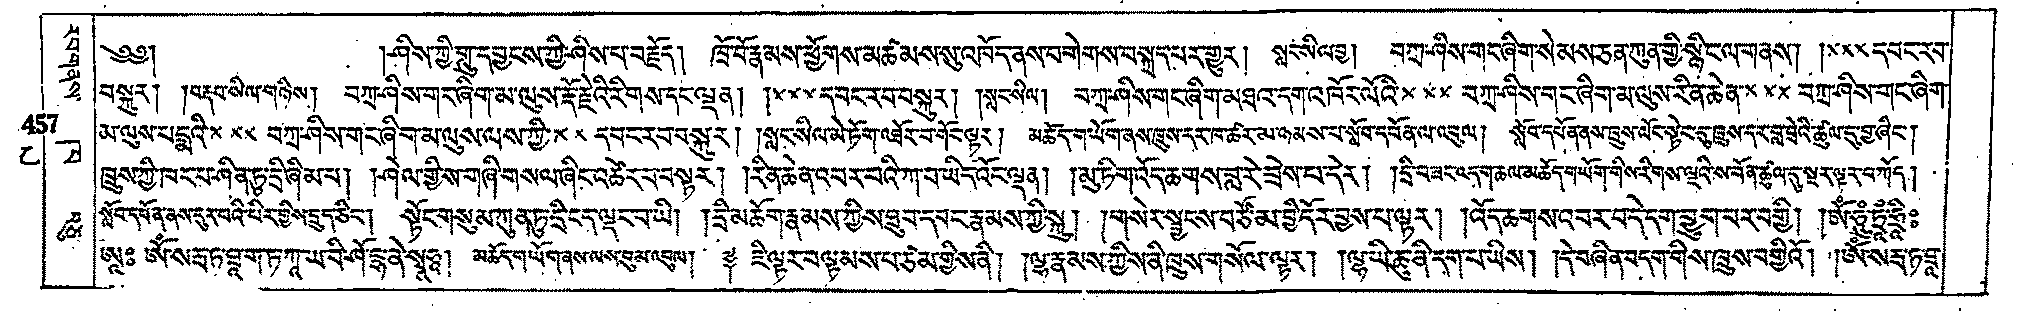༄༅། །ཤིས་ཀྱི་གླུ་དབྱངས་ཀྱི་ཤིས་པ་བརྗོད། ཁྲོ་བོ་རྣམས་ཕྱོགས་མཚམས་སུ་འཁོད་ནས་བགེགས་བསྐྲད་པར་གྱུར། སླང་སིལ་བྱ།  བཀྲ་ཤིས་གང་ཞིག་སེམས་ཅན་ཀུན་གྱི་སྙིང་ལ་གནས། །྾྾྾་དབང་རབ་
བསྐུར། ། བརྡབ་སིལ་གཉིས།  བཀྲ་ཤིས་གང་ཞིག་མ་ལུས་རྡོ་རྗེའི་རིགས་དང་ལྡན། །྾྾྾་དབང་རབ་བསྐུར། །སླང་སིལ།  བཀྲ་ཤིས་གང་ཞིག་མཐའ་དག་འཁོར་ལོའི་྾྾྾་བཀྲ་ཤིས་གང་ཞིག་མ་ལུས་རིན་ཆེན་྾྾྾་བཀྲ་ཤིས་གང་ཞིག་
མ་ལུས་པདམའི་྾྾྾་བཀྲ་ཤིས་གང་ཞིག་མ་ལུས་ལས་ཀྱི་྾྾་དབང་རབ་བསྐུར། སླང་སིལ་མེ་ཏོག་འཐོར་བ་གོང་ལྟར། མཆོད་གཡོག་ནས་ཁྲུས་དར་ཁ་ཚར་མ་ཉམས་པ་སློབ་དཔོན་ལ་འབུལ། སློབ་དཔོན་ནས་ཁྲུས་ལོང་སྟེང་དུ་ཁྲུས་དར་བླ་བྲེའི་ཚུལ་དུ་བྱ་ཞིང་།
ཁྲུས་ཀྱི་ཁང་པ་ཤིན་ཏུ་དྲི་ཞིམ་པ། །ཤེལ་གྱི་ས་གཞི་གསལ་ཞིང་འཚེར་བ་བསྟར། །རིན་ཆེན་འབར་བའི་ཀ་བ་ཡིད་འོང་ལྡན། །མུ་ཏིག་འོད་ཆགས་བླ་རེ་བྲེས་པ་དེར། །དྲི་བཟང་འདག་ཆལ་མཆོད་གཡོག་གིས་རིགས་ལྔའི་ས་བོན་ཚུལ་དུ་སྔར་ལྟར་བཀོད།
སློབ་དཔོན་ནས་དུར་བའི་པིར་གྱིས་དྲུད་ཅིང་། སྟོང་གསུམ་ཀུན་ཏུ་དྲི་ངད་ལྡང་བ་ཡི། །དྲི་མཆོག་རྣམས་ཀྱིས་ཐུབ་དབང་རྣམས་ཀྱི་སྐུ། །གསེར་སྦྱངས་བཙོ་མ་བྱི་དོར་བྱས་པ་ལྟར། །འོད་ཆགས་འབར་བ་དེ་དག་བྱུག་པར་བགྱི། །ཨོཾ་ཧཱུཾ་ཏྲཱཾ་ཧྲཱིཿ
ཨཱཿ ཨོཾ་སརྦ་ཏ་ཐཱ་ག་ཏ་ཀཱ་ཡ་བི་ཤོ་དྷ་ནེ་སྭཱཧཱ། མཆོད་གཡོག་ནས་ལས་བུམ་འབུལ།  འ་ཇི་ལྟར་བལྟམས་པ་ཙམ་གྱིས་ནི། །ལྷ་རྣམས་ཀྱིས་ནི་ཁྲུས་གསོལ་ལྟར། །ལྷ་ཡི་ཆུ་ནི་དག་པ་ཡིས། །དེ་བཞིན་བདག་གིས་ཁྲུས་བགྱིའོ། །ཨོཾ་སརྦ་ཏ་ཐཱ་